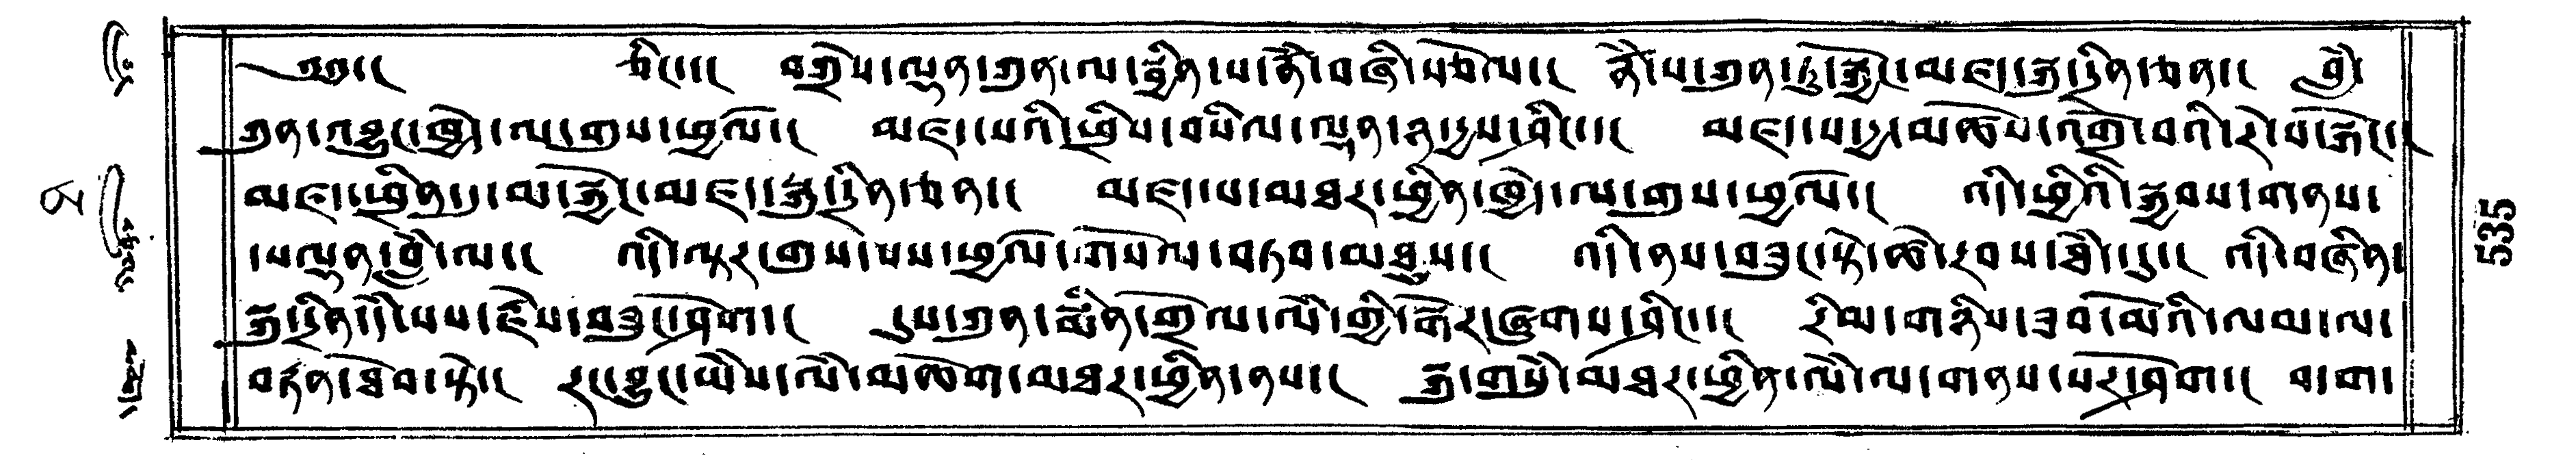ཅིང་། །བཀྲེས་ལྡན་ཀུན་ལ་སྦྱིན་པ་རྣམ་བཞི་སྩོལ། །རྣམ་པ་ཀུན་ཏུ་སྐྱོང་མཛད་སྐུ་དྲིན་ཅན། །བླ་མ་
ཀུན་འབྱུང་ཁྱེད་ལ་གུས་ཕྱག་འཚལ། །མཛད་པའི་ཕྲིན་ལས་བསིལ་ལྡན་ཉ་རྒྱས་ཤིང་། །མཛད་པ་རྒྱ་མཚོས་འགྲོ་བའི་རེ་བ་སྐོང་། །
མཛད་ཕྲིན་དུ་མ་སྐྱོང་མཛད་སྐུ་དྲིན་ཅན། །མཛད་པ་མཐར་ཕྱིན་ཁྱེད་ལ་གུས་ཕྱག་འཚལ། །འདི་ཕྱིའི་སྐྱབས་གནས་
དཔལ་ལྡན་བླ་མ་ལ། །འདི་ལྟར་གུས་པས་ཕྱག་འཚལ་གསོལ་བཏབ་མཐུས། །འདི་ནས་བཟུང་སྟེ་ཚེ་རབས་ཐམས་ཅད་དུ། །འདི་བཞིན 
སྐུ་དྲིན་དམ་པས་རྗེས་བཟུང་ཤོག དུས་ཀུན་སྨིན་གྲོལ་ལམ་གྱི་སྒོར་ཞུགས་ཤིང་། །རིམ་གཉིས་ཟབ་མོའི་ལམ་ལ་
བརྟན་ཐོབ་སྟེ། །རང་བྱུང་ཡེ་ཤེས་ལམ་མཆོག་མཐར་ཕྱིན་ནས། །སྐུ་གསུམ་མཐར་ཕྱིན་ལམ་ལ་གནས་པར་ཤོག།བདག་